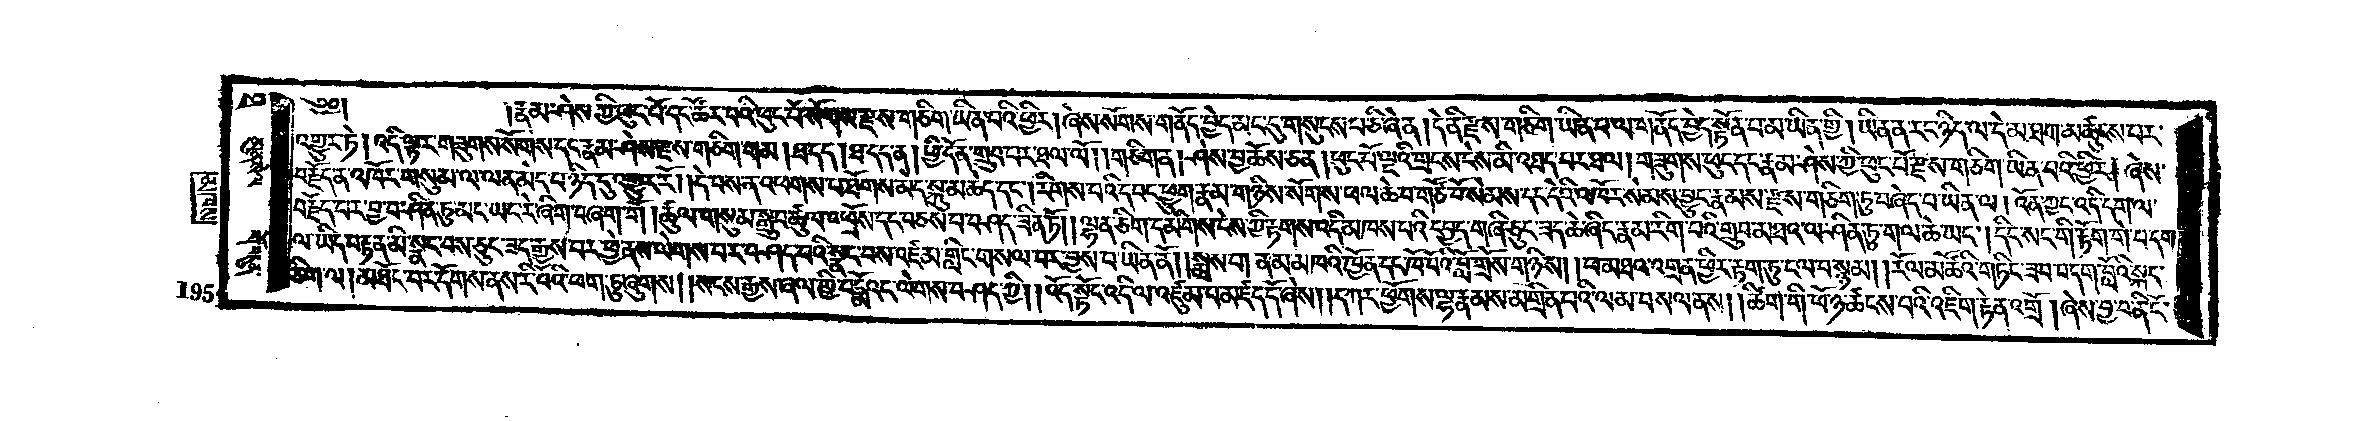༄༅། །རྣམ་ཤེས་ཀྱི་ཕུང་པོ་དང་ཚོར་བའི་ཕུང་པོ་སོགས་རྫས་གཅིག་ཡིན་པའི་ཕྱིར། ཞེས་སོགས་གནོད་བྱེད་མང་དུ་གསུངས་པ་ཅི་ཞེ་ན། དེ་ནི་རྫས་གཅིག་ཡིན་པ་ལ་གནོད་བྱེད་སྟོན་པ་མ་ཡིན་གྱི། ཡིན་ན་རང་ཉིད་ལ་དེ་མ་ཐག་མཚུངས་པར་
འགྱུར་ཏེ། འདི་ལྟར་གཟུགས་སོགས་དང་རྣམ་ཤེས་རྫས་གཅིག་གམ། ཐ་དད། ཐ་དད་ན། ཕྱི་དོན་གྲུབ་པར་ཐལ་ལོ། །གཅིག་ན། ཤེས་བྱ་ཆོས་ཅན། ཕུང་པོ་ལྔའི་གྲངས་ངེས་མི་འཐད་པར་ཐལ། གཟུགས་ཕུང་དང་རྣམ་ཤེས་ཀྱི་ཕུང་པོ་རྫས་གཅིག་ཡིན་པའི་ཕྱིར། ཞེས་
བརྗོད་ན་འཁོར་གསུམ་ལ་ལན་མེད་པ་ཉིད་དུ་འགྱུར་རོ། །དེ་བས་ན་འཕགས་པ་ཐོགས་མེད་སྐུ་མཆེད་དང་། རིགས་པའི་དབང་ཕྱུག་རྣམ་གཉིས་སོགས་ཕལ་ཆེ་བ་གཙོ་བོ་སེམས་དང་དེའི་འཁོར་སེམས་བྱུང་རྣམས་རྫས་གཅིག་ཏུ་བཞེད་པ་ཡིན་ལ། འོན་ཀྱང་འདི་དག་ལ་
བརྗོད་པར་བྱ་ཤིན་ཏུ་མང་ཡང་རེ་ཞིག་བཞག་གོ། ཚུལ་གསུམ་སྒྲུབ་ཚུལ་འཕྲོས་དང་བཅས་པ་བཤད་ཟིན་ཏོ། །ལྷན་ཅིག་དམིགས་ངེས་ཀྱི་རྟགས་འདི་མཁས་པའི་དཔྱད་གཞི་ཅུང་ཟག་ཆེ་ཞིང་རྣམ་རིག་པའི་གྲུབ་མཐའ་ལ་ཤིན་ཏུ་གལ་ཆེ་ཡང་། དིང་?་སང་གི་རྟོག་གེ་བདག་
ལ་ཡིད་བརྟག་མི་སྣང་བས་ཅུང་ཟད་རྒྱས་པར་ཕྱེ་ནས་ལེགས་པར་བཤད་པའི་སྣང་བས་འཛམ་གླིང་གསལ་བར་བྱས་པ་ཡིན་ནོ། །སྨྲས་པ། ནམ་མཁའི་ཁྱོན་དང་ཁོ་བོའི་བློ་གྲོས་གཉིས། །ཕ་མཐའ་འགྲན་ཕྱིར་རྟག་ཏུ་ངལ་བ་སྙམ། །རོལ་མཚོའི་གཏིང་ཟབ་བདག་བློའི་སྐད་
ཅིག་ལ། མཐོང་བར་དོགས་ནས་རི་བོའི་ཕག་ཏུ་ཞུགས། །སངས་རྒྱས་ཞལ་གྱི་པདམོའང་ལེགས་བཤད་ཀྱིས། །འོད་སྟོང་འདི་ལ་འཛུམ་པ་མཛད་དོ་ཞེས། །དཀར་ཕྱོགས་ལྷ་རྣམས་མགྲིན་པའི་ལམ་བསལ་ནས། །ཚིགས་གི་ཕོ་ཉམ་ཚངས་པའི་འཇིག་རྟེན་འགྲོ། ཞེས་བྱ་བ་ནི་ངོ་